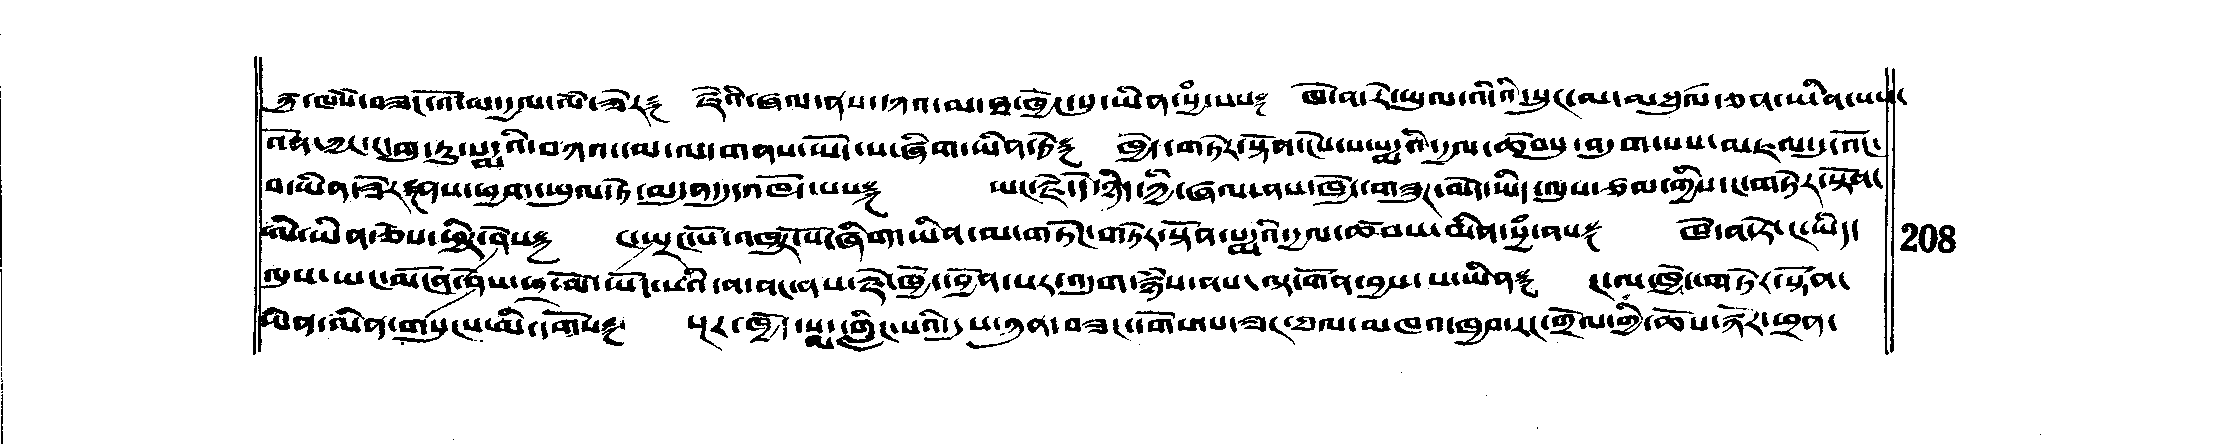སྐུ་ཁམས་བཟང་འོ་མ་རྒྱལ་ལམ་ཟེར། རྗེའི་ཞལ་ནས་དཀའ་མ་ཐ་ཁྱོད་སུ་ཡིན་གསུངས་པས། ཁོ་ན་རེ་ཡུལ་འདིའི་སྲུང་མ་མཐུ་རྩལ་ཅན་ཡིན་པས་
འོན་ཀྱང་ང་གུ་རུ་པདྨའི་བཀའ་དམ་ལ་གནས་ཡོད་པ་ཞིག་ཡིན་ཏེ། ཁྱེད་གཏེར་སྟོན་ངེས་པ་པདྨའི་རྒྱལ་ཚབ་སུ་འདུག་པས་མཇལ་དུ་འོང་
བ་ཡིན་ཟེར་ནས་ཕྱག་ཕུལ་ཏེ་མདུན་དུ་འཁོད་པས། ཡང་རྗེ་དེ་ཉིད་ཀྱི་ཞལ་ནས་ཁྱོད་གཟུགས་མེད་ཡིད་ལུས་ཙམ་གྱིས་ང་གཏེར་སྟོན་
ཨི་ཡིན་ཅིས་ཕྱིར་ཤེས། ང་སྤྲང་པོ་འཁྱར་པོ་ཞིག་ཡིན་མ་གཏོགས་གཏེར་སྟོན་པདྨའི་རྒྱལ་ཚབས་མིན་གསུང་ནས།ཁོ་ན་རེ་ང་ཡིད་
ལུས་ཡང་མངོན་ཤེས་ཕྲ་མོ་ཡོད་པས་ན་ནངས་ནས་རྗེ་ཁྱོད་བྱོན་པར་འདུག་སྙམ་ནས་ལྟ་གོན་བྱས་པ་ཡིན། ང་ལ་ཁྱོད་གཏེར་སྟོན་
ཡིན་མིན་གསུངས་མི་དགོས། སྔར་ཁྱོད་པདྨ་གླིང་པའི་དུས་ཀུན་བཟང་དགོངས་པ་ཟང་ཐལ་མཁའ་ཁྱབ་རང་གྲོལ་གྱི་ཆོས་སྐོར་ཕྲན་